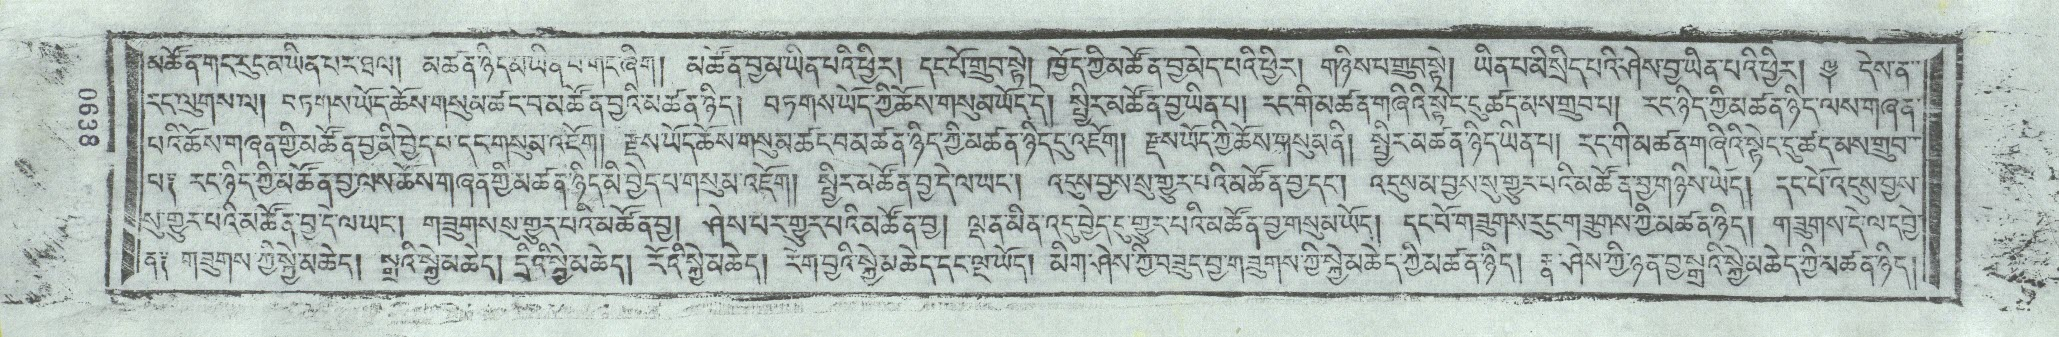མཚོན་གང་རུང་མ་ཡིན་པར་ཐལ། མཚན་ཉིད་མ་ཡིན་པ་གང་ཞིག། མཚོན་བྱ་མ་ཡིན་པའི་ཕྱིར། དང་པོ་གྲུབ་སྟེ། ཁྱོད་ཀྱི་མཚོན་བྱ་མེད་པའི་ཕྱིར། གཉིས་པ་གྲུབ་སྟེ། ཡིན་པ་མི་སྲིད་པའི་ཤེས་བྱ་ཡིན་པའི་ཕྱིར། ༈ དེས་ན་
རང་ལུགས་ལ། བཏགས་ཡོད་ཆོས་གསུམ་ཚང་བ་མཚོན་བྱའི་མཚན་ཉིད། བཏགས་ཡོད་ཀྱི་ཆོས་གསུམ་ཡོད་དེ། སྤྱིར་མཚོན་བྱ་ཡིན་པ། རང་གི་མཚན་གཞིའི་སྟེང་དུ་ཚད་མས་གྲུབ་པ། རང་ཉིད་ཀྱི་མཚན་ཉིད་ལས་གཞན་
པའི་ཆོས་གཞན་གྱི་མཚོན་བྱ་མི་བྱེད་པ་དང་གསུམ་འཇོག། རྫས་ཡོད་ཆོས་གསུམ་ཚང་བ་མཚན་ཉིད་ཀྱི་མཚན་ཉིད་དུ་འཇོག། རྫས་ཡོད་ཀྱི་ཆོས་གསུམ་ནི། སྤྱིར་མཚན་ཉིད་ཡིན་པ། རང་གི་མཚན་གཞིའི་སྟེང་དུ་ཚད་མས་གྲུབ་
པ༑ རང་ཉིད་ཀྱི་མཚོན་བྱ་ལས་ཆོས་གཞན་གྱི་མཚན་ཉིད་མི་བྱེད་པ་གསུམ་འཇོག། སྤྱིར་མཚོན་བྱ་དེ་ལ་ཡང་། འདུས་བྱས་སུ་གྱུར་པའི་མཚོན་བྱ་དང་། འདུས་མ་བྱས་སུ་གྱུར་པའི་མཚོན་བྱ་གཉིས་ཡོད། དང་པོ་འདུས་བྱས་
སུ་གྱུར་པའི་མཚོན་བྱ་དེ་ལ་ཡང་། གཟུགས་སུ་གྱུར་པའི་མཚོན་བྱ། ཤེས་པར་གྱུར་པའི་མཚོན་བྱ། ལྡན་མིན་འདུ་བྱེད་དུ་གྱུར་པའི་མཚོན་བྱ་གསུམ་ཡོད། དང་པོ་གཟུགས་རུང་གཟུགས་ཀྱི་མཚན་ཉིད། གཟུགས་དེ་ལ་དབྱེ་
ན༑ གཟུགས་ཀྱི་སྐྱེ་མཆེད། སྒྲའི་སྐྱེ་མཆེད། དྲིའི་སྐྱེ་མཆེད། རོའི་སྐྱེ་མཆེད། རེག་བྱའི་སྐྱེ་མཆེད་དང་ལྔ་ཡོད། མིག་ཤེས་ཀྱི་བཟུང་བྱ་གཟུགས་ཀྱི་སྐྱེ་མཆེད་ཀྱི་མཚན་ཉིད། རྣ་ཤེས་ཀྱི་ཉན་བྱ་སྒྲའི་སྐྱེ་མཆེད་ཀྱི་མཚན་ཉིད།